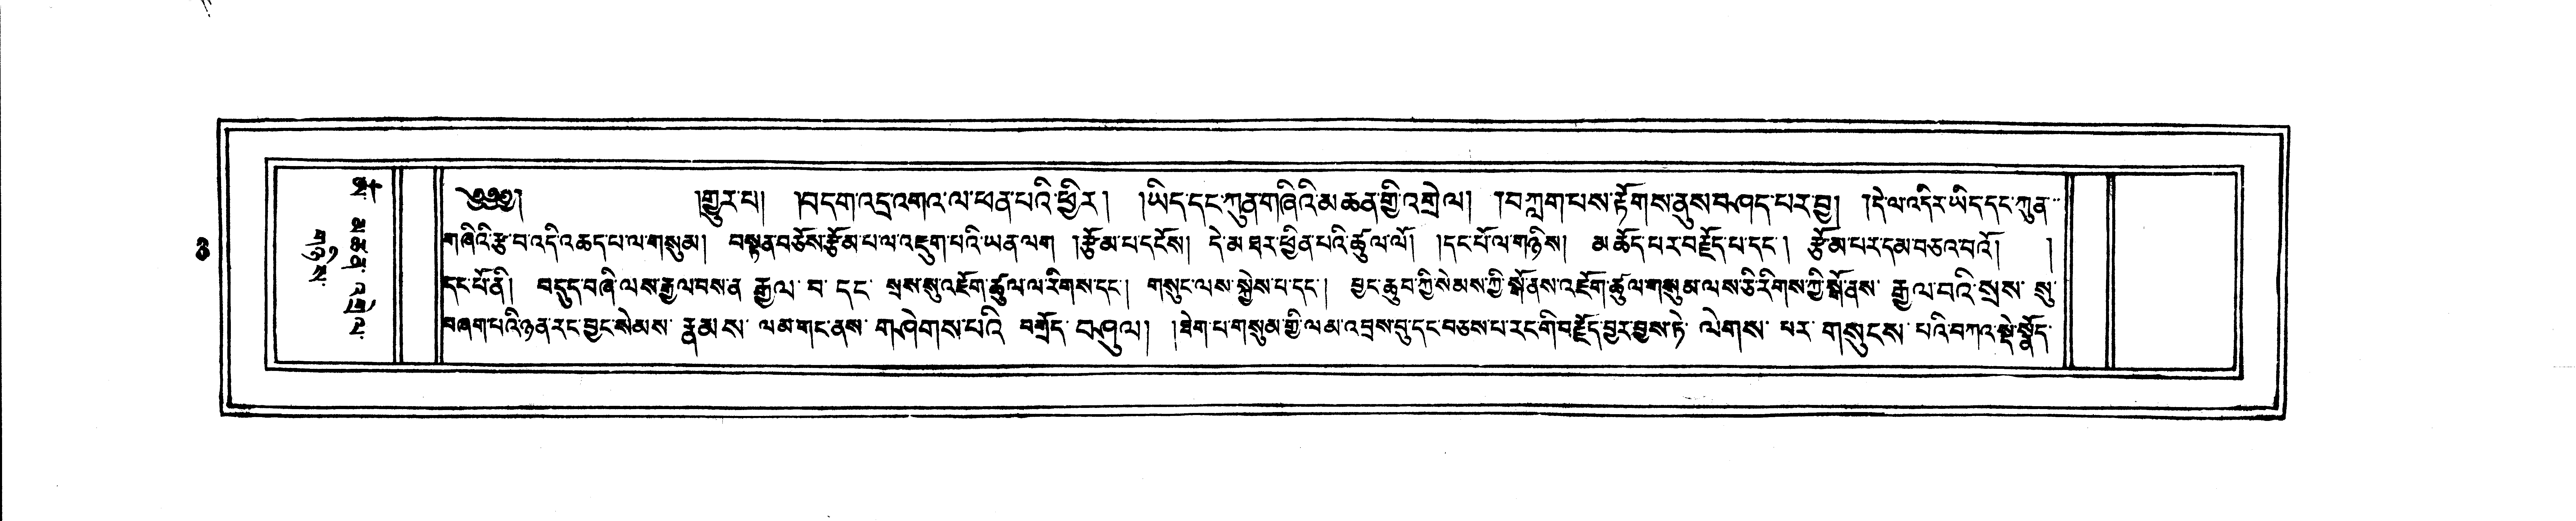༄༅༅། །གྱུར་པ། །བདག་འདྲ་འགའ་ལ་ཕན་པའི་ཕྱིར། །ཡིད་དང་ཀུན་གཞིའི་མཆན་གྱི་འགྲེལ། །བཀླག་པས་རྟོགས་ནུས་བཤད་པར་བྱ། །དེ་ལ་འདིར་ཡིད་དང་ཀུན་
གཞིའི་རྩ་བ་འདི་འཆད་པ་ལ་གསུམ། བསྟན་བཅོས་རྩོམ་པ་ལ་འཇུག་པའི་ཡན་ལག །རྩོམ་པ་དངོས། དེ་མཐར་ཕྱིན་པའི་ཚུལ་ལོ། །དང་པོ་ལ་གཉིས། མཆོད་པར་བརྗོད་པ་དང་། རྩོམ་པར་དམ་བཅའ་བའོ། །
དང་པོ་ནི། བདུད་བཞི་ལས་རྒྱལ་བས་ན་རྒྱལ་བ་དང་སྲས་སུ་འཇོག་ཚུལ་ལ་རིགས་དང་། གསུང་ལས་སྐྱེས་པ་དང་། བྱང་ཆུབ་ཀྱི་སེམས་ཀྱི་སྒོ་ནས་འཇོག་ཚུལ་གསུམ་ལས་ཅི་རིགས་ཀྱི་སྒོ་ནས་རྒྱལ་བའི་སྲས་སུ་
བཞག་པའི་ཉན་རང་བྱང་སེམས་རྣམས་ལམ་གང་ནས་གཤེགས་པའི་བགྲོད་བཤུལ། །ཐེག་པ་གསུམ་གྱི་ལམ་འབྲས་བུ་དང་བཅས་པ་རང་གི་བརྗོད་བྱར་བྱས་ཏེ་ལེགས་པར་གསུངས་པའི་བཀའ་སྡེ་སྣོད་